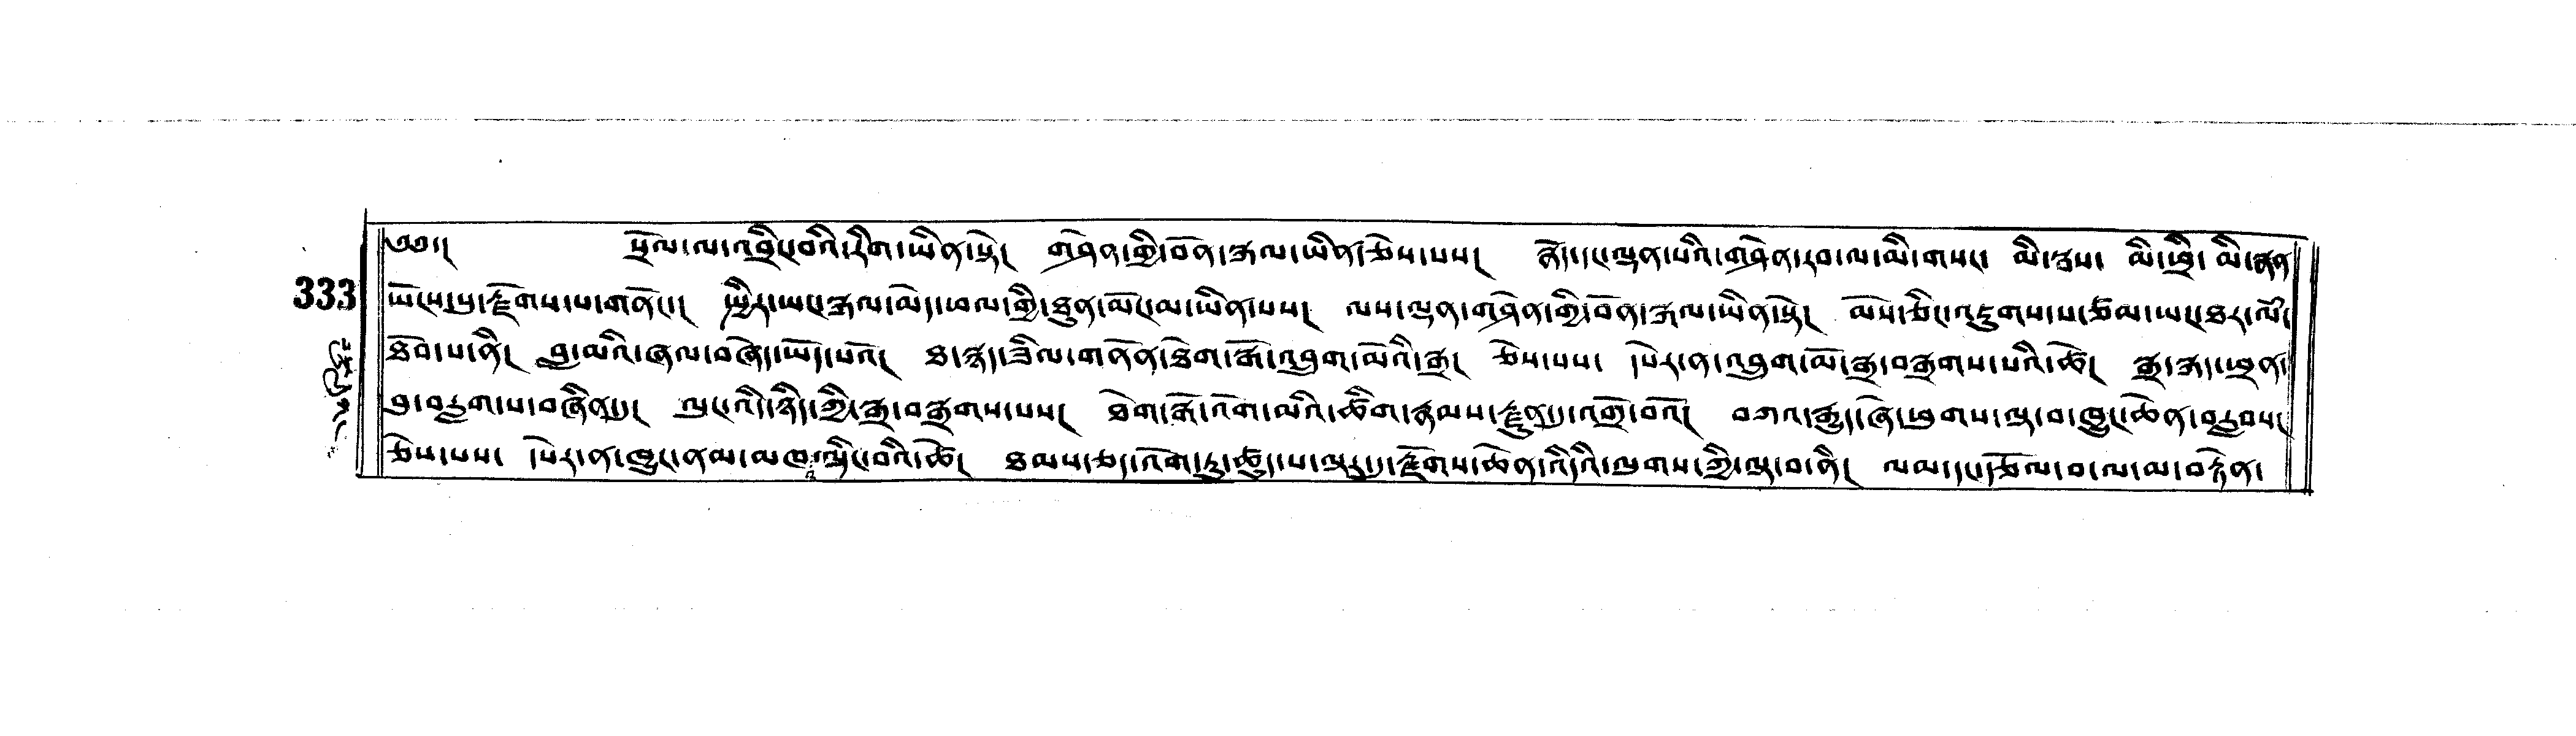སྲོལ་ལ་འབྲིང་བའི་རིགས་ཡིན་ཏེ། གཤེན་གྱི་བོན་སྐལ་ཡིན་ཅེས་པས། སྣོད་དང་ལྡན་པའི་གཤེན་རབ་ལ་མི་གསང་མི་སྦས། མི་ཕྲི་མི་སྙན་
ཡོངས་སུ་རྫོགས་པ་གནང་ངོ་། སྤྱིར་ཡང་སྐལ་མེད་ཕལ་གྱི་ཐུན་མོང་མ་ཡིན་པས། ལས་ལྡན་གཤེན་གྱི་བོན་སྐལ་ཡིན་ཏེ། མོས་ཤིང་འཇུག་པ་ཙམ་ཡང་ཐར་ལམ་
ཐོབ་པ་ནི། བླ་མའི་ཞལ་བཞེད་ཡོད་པའོ། ཐ་སྙད་ཟིལ་གནོན་ཐེག་སྒོ་འབྲུག་མོའི་སྒྲ། ཅེས་པས། དཔེར་ན། འབྲུག་མོ་སྒྲ་བསྒྲགས་པའི་ཚེ། སྒྲ་སྐད་ཕྲན་
བུ་བརླག་པ་བཞིན་དུ། ལུང་འདི་ཉིད་ཀྱི་སྒྲ་བསྒྲགས་པས། ཐེག་སྒོ་འོག་མའི་ཚིག་རྣམས་རྫུན་དུ་འགྲོ་བའོ། བཀའ་བརྒྱུད་ཞེ་ཕུག་ལྟ་བ་ཁྱུང་ཆེན་རླབས། 
ཅེས་པས། དཔེར་ན། ཁྱུང་ནམ་མཁའ་ལ་ལྡིང་བའི་ཚེ། ཐམས་ཅད་འོག་ཏུ་ཚུད་པ་ལྟར་དུ་རྫོགས་ཆེན་འདིའི་ལུགས་ཀྱི་ལྟ་བ་ནི། ལམ་དང་རྩོལ་བ་ལ་མ་བརྟེན་